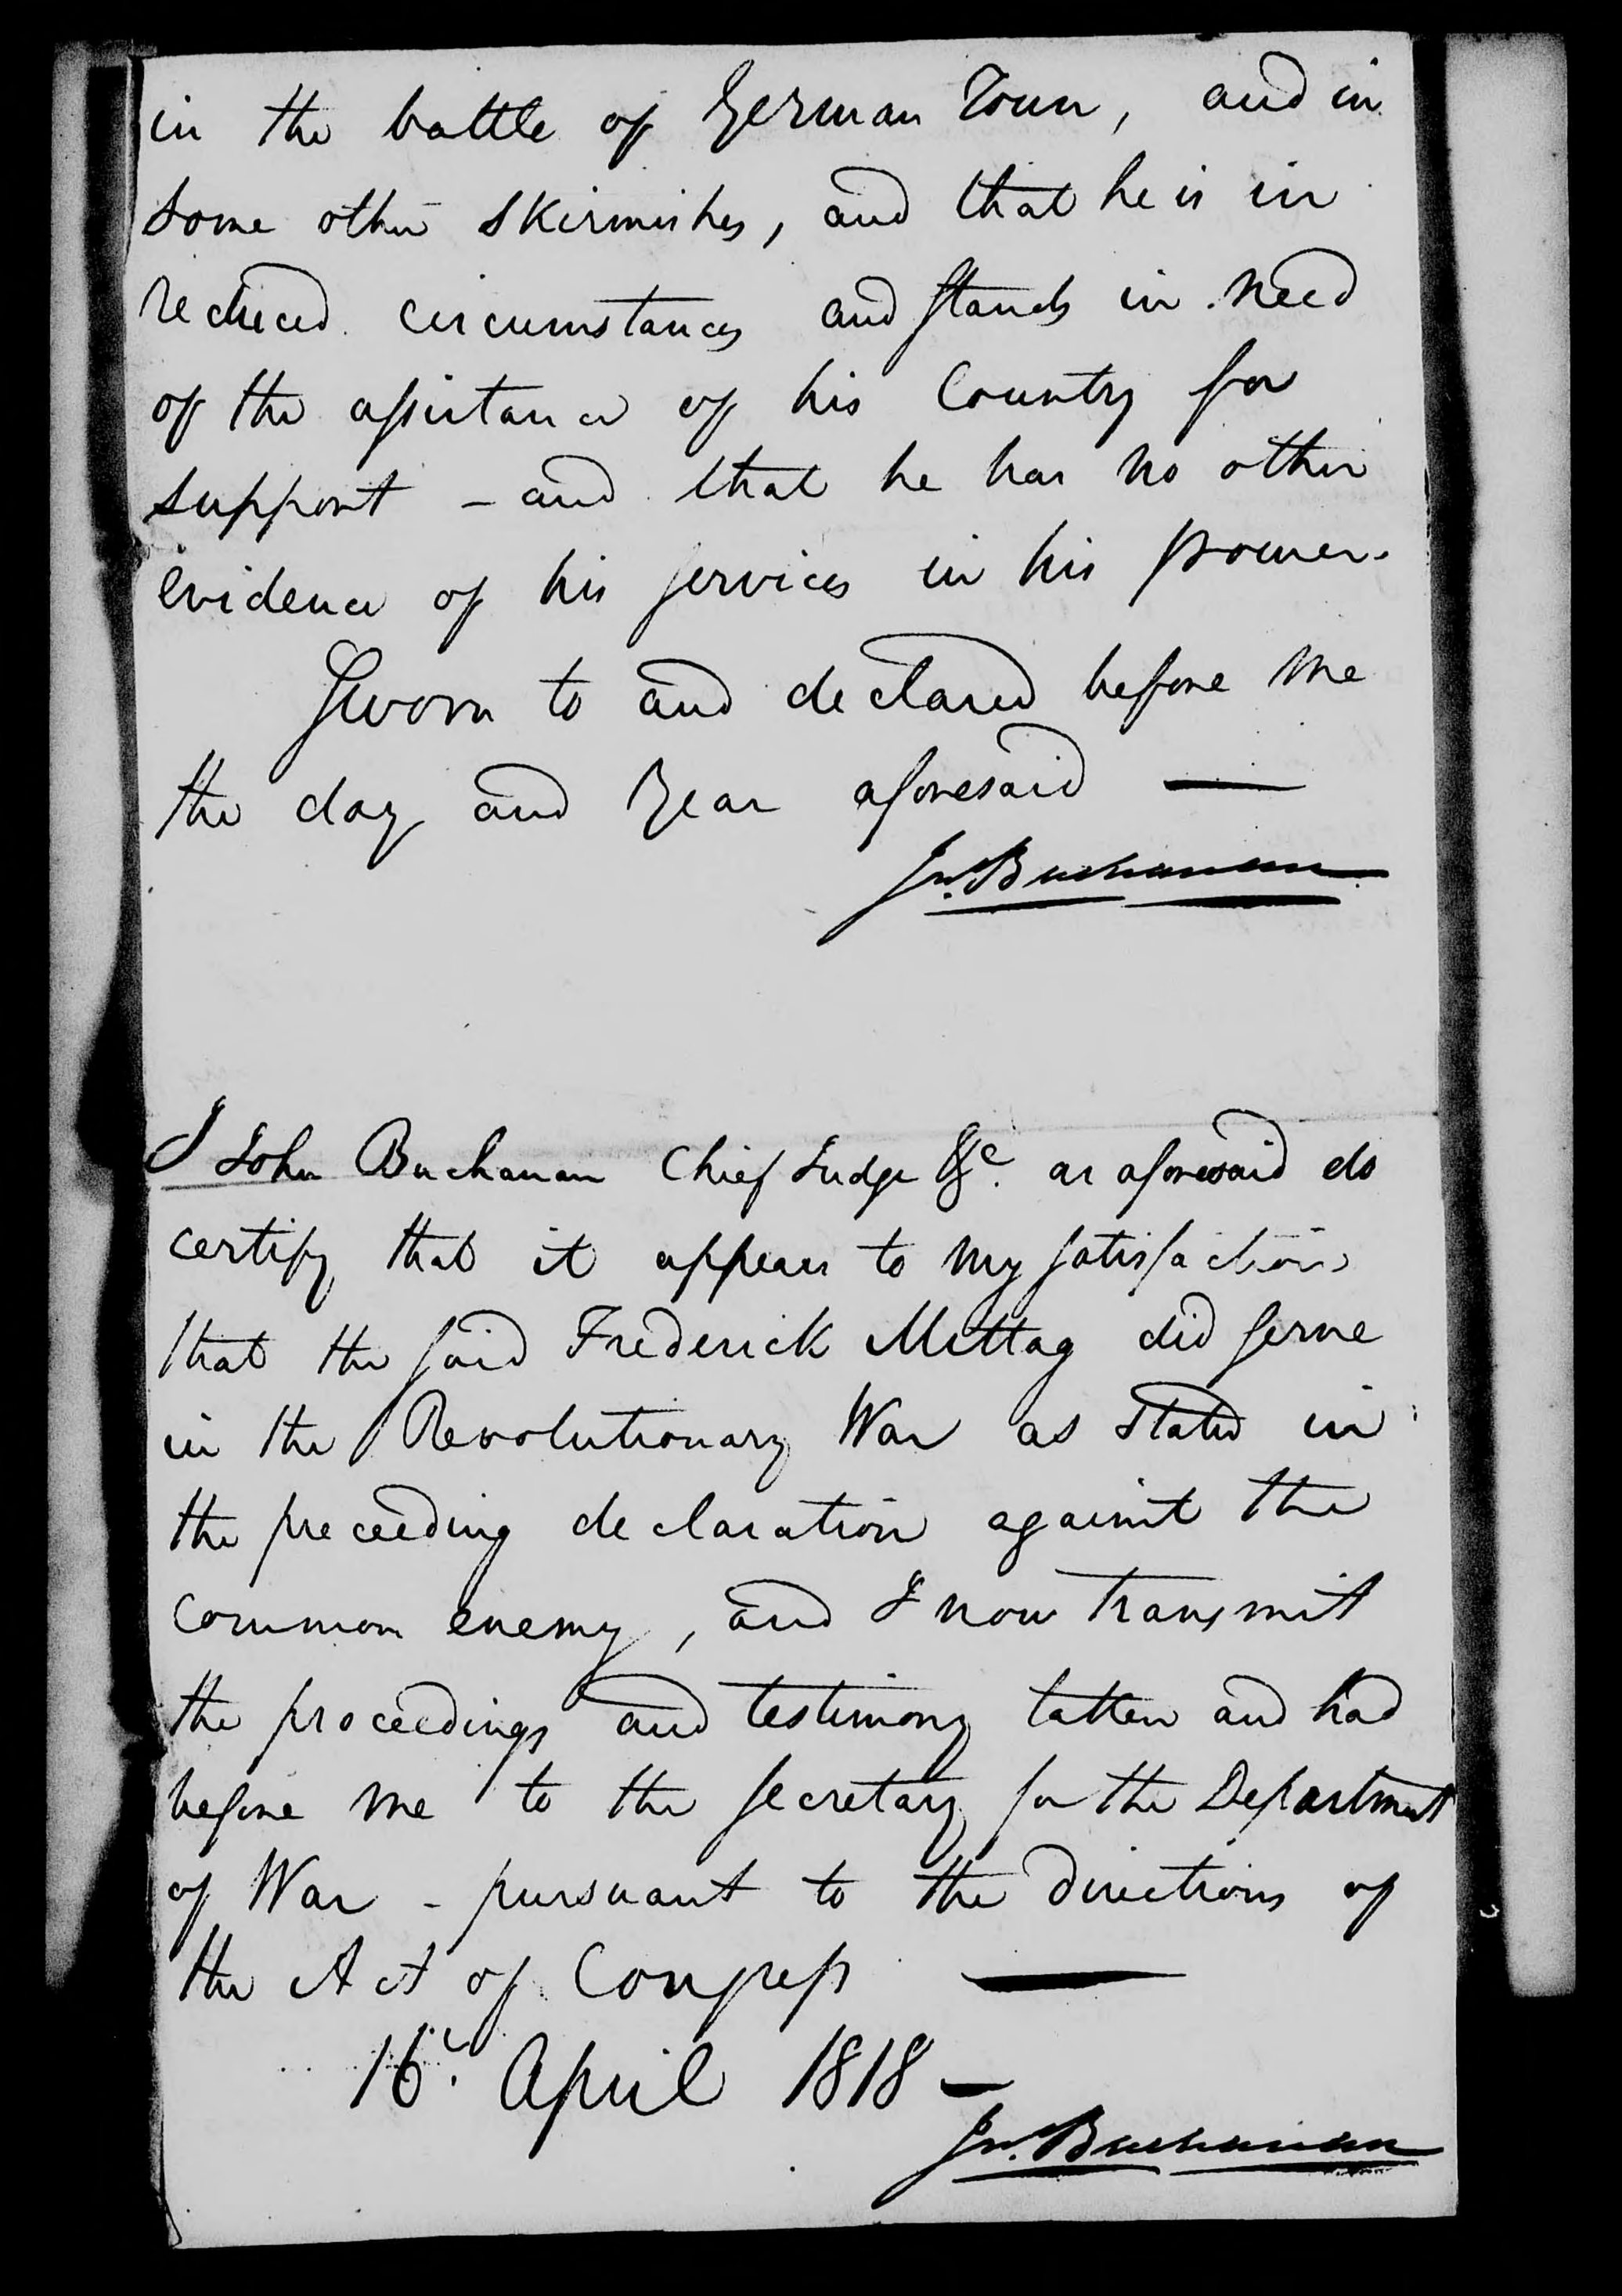in the battle of German Town, and in Some other Skirmishes, and that he is in reduced circumstances and stands in need of the assistance of his County for support - and that he has no other evidence of his services in his power.

Sworn to and declared before me the day and year aforesaid -

Jno. Buchanan

I John Buchanan Chief Judge Esq as aforesaid do certify that it appears to my satisfaction that the said Frederick Mittag did serve in the Revolutionary War as States in the preceeding declaration against the common enemy, and I now transmit the proceedings and testimony taken and had before me to the secretary for the Department of War - pursuant to the directions of the Act of Congress

16 April 1818

Jno. Buchanan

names: John Buchanan; Frederick Mittag; Jno Buchanan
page: 5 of 13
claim: survivor's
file: S. 34999, for Frederick Mittag, Maryland